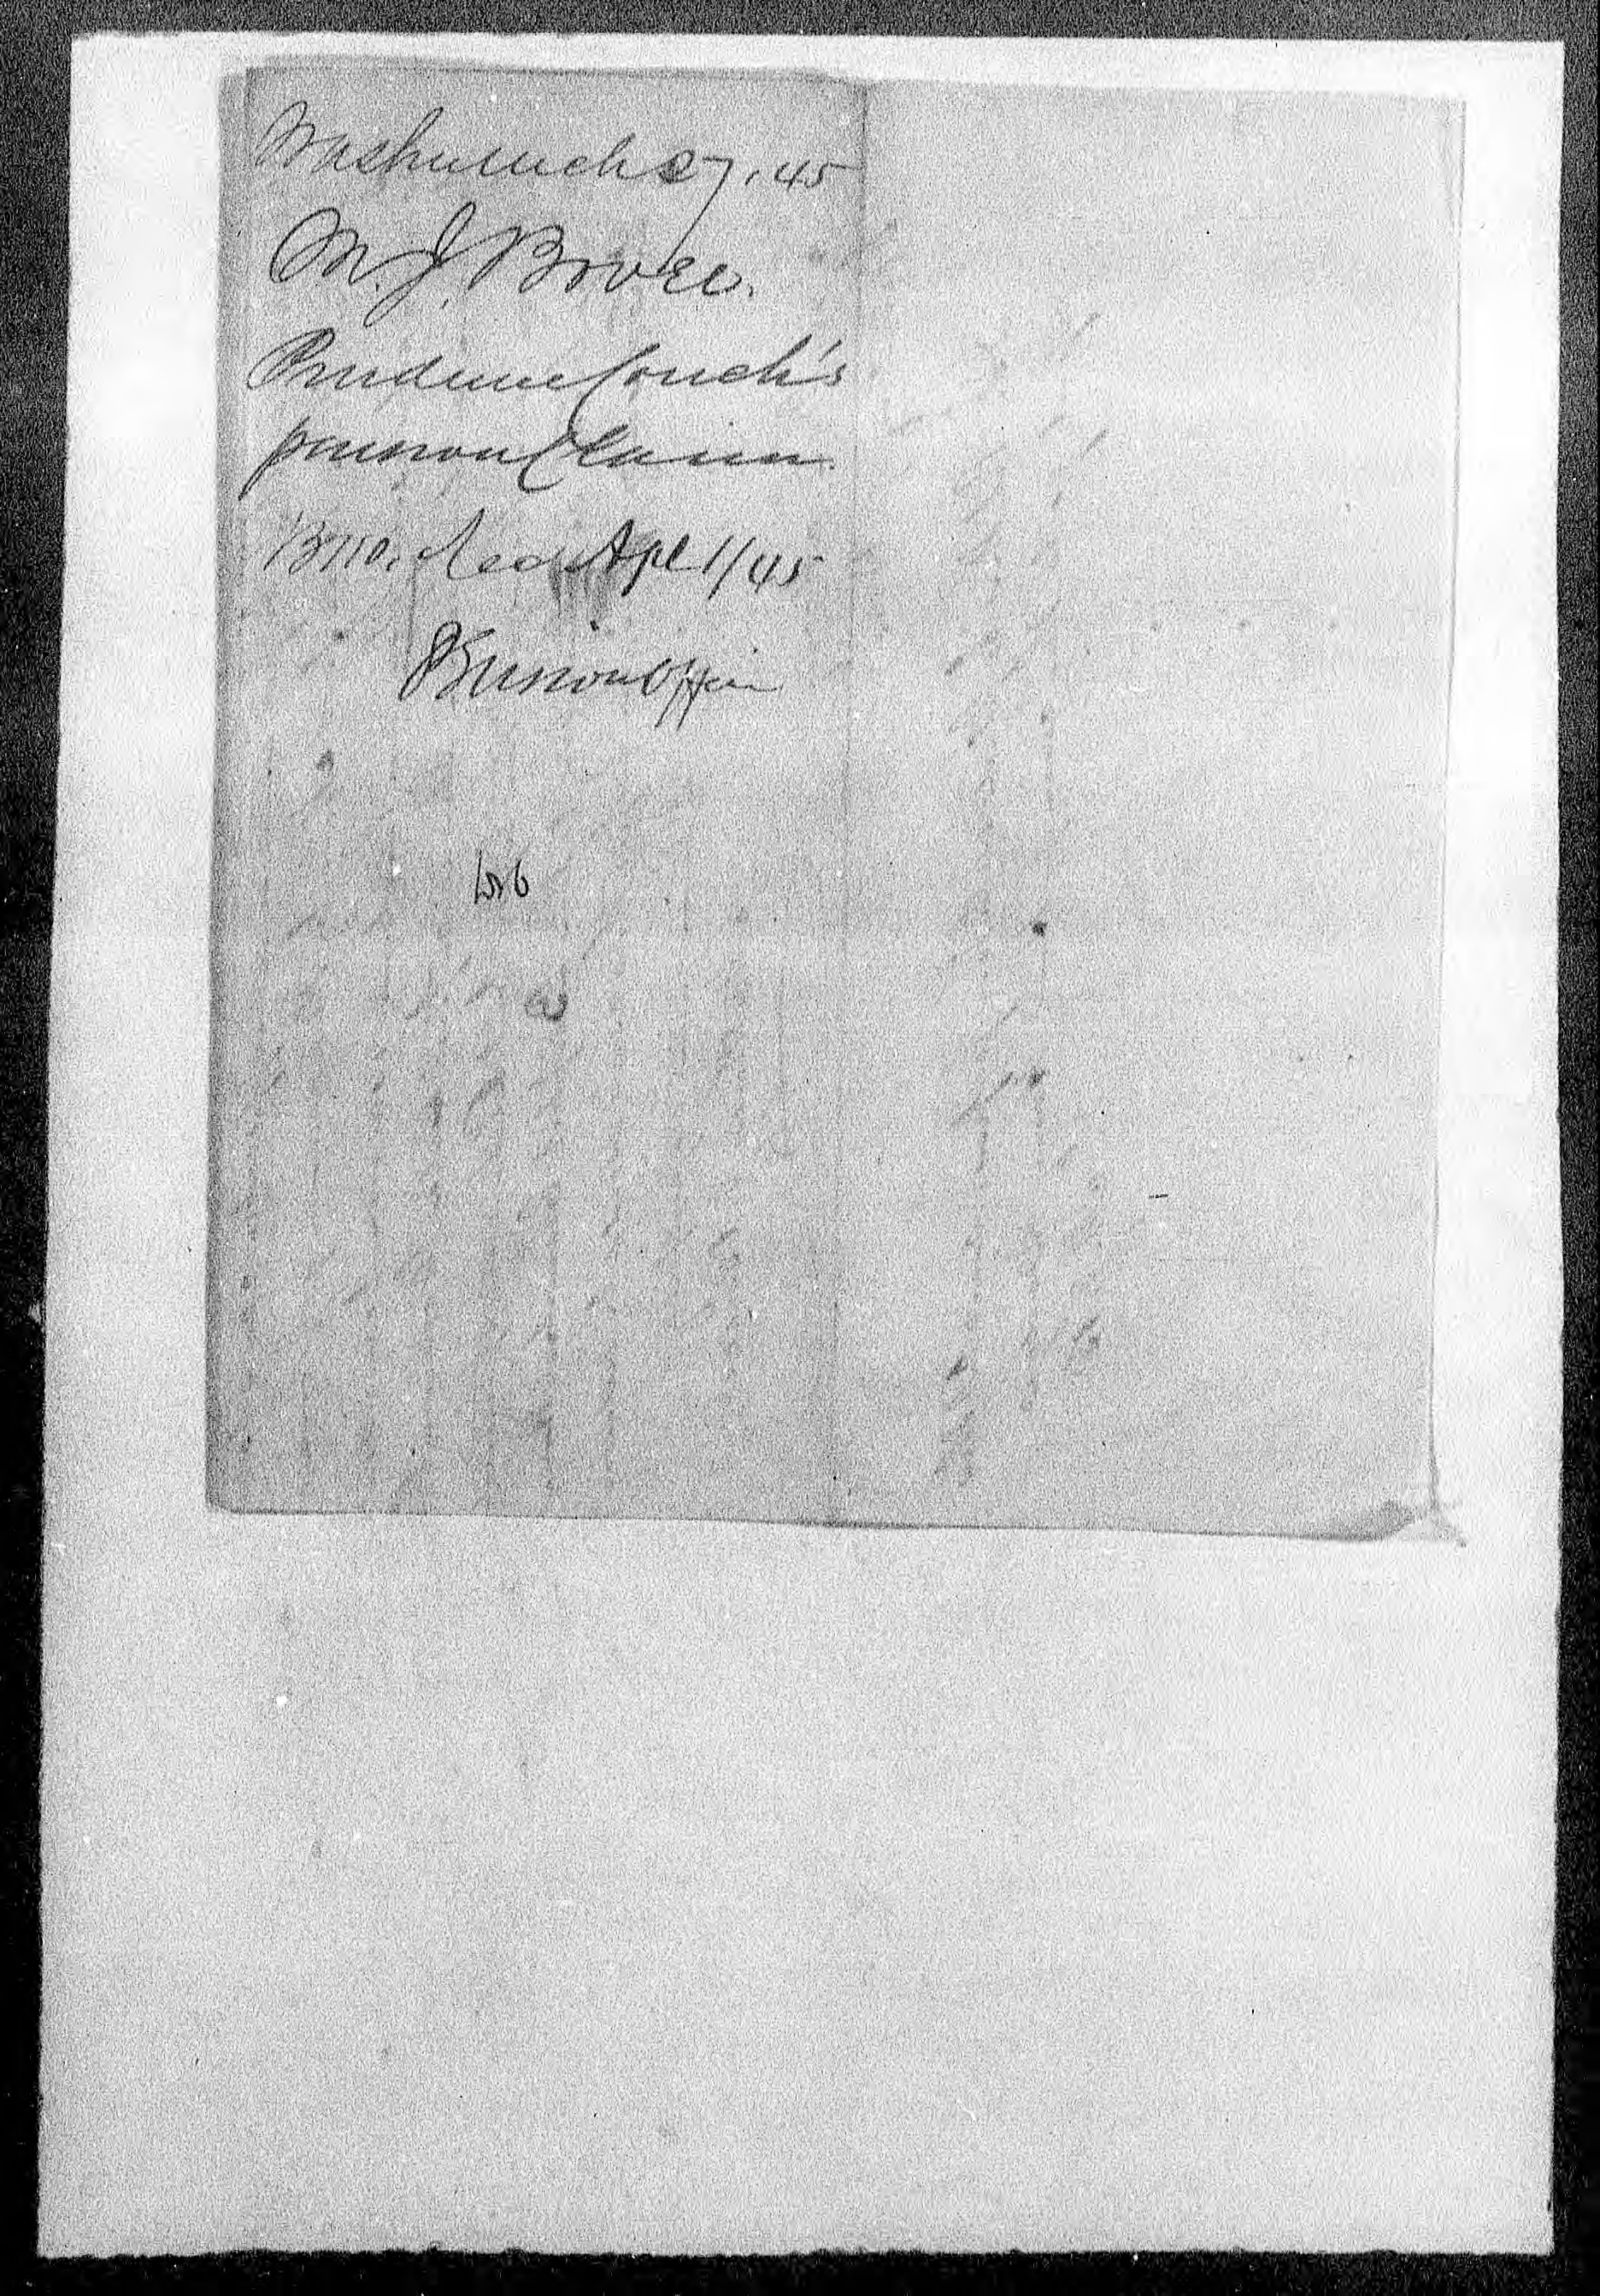[illegible] 7 '45
M.J. Bover
Prudence Couch's
Pension Claim
13710 New Apl 1/45
P [illegible] Office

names: Prudence Couch, M J Bovee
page: 38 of 68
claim: rejected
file: R. 2,360, John Couch, Conn.